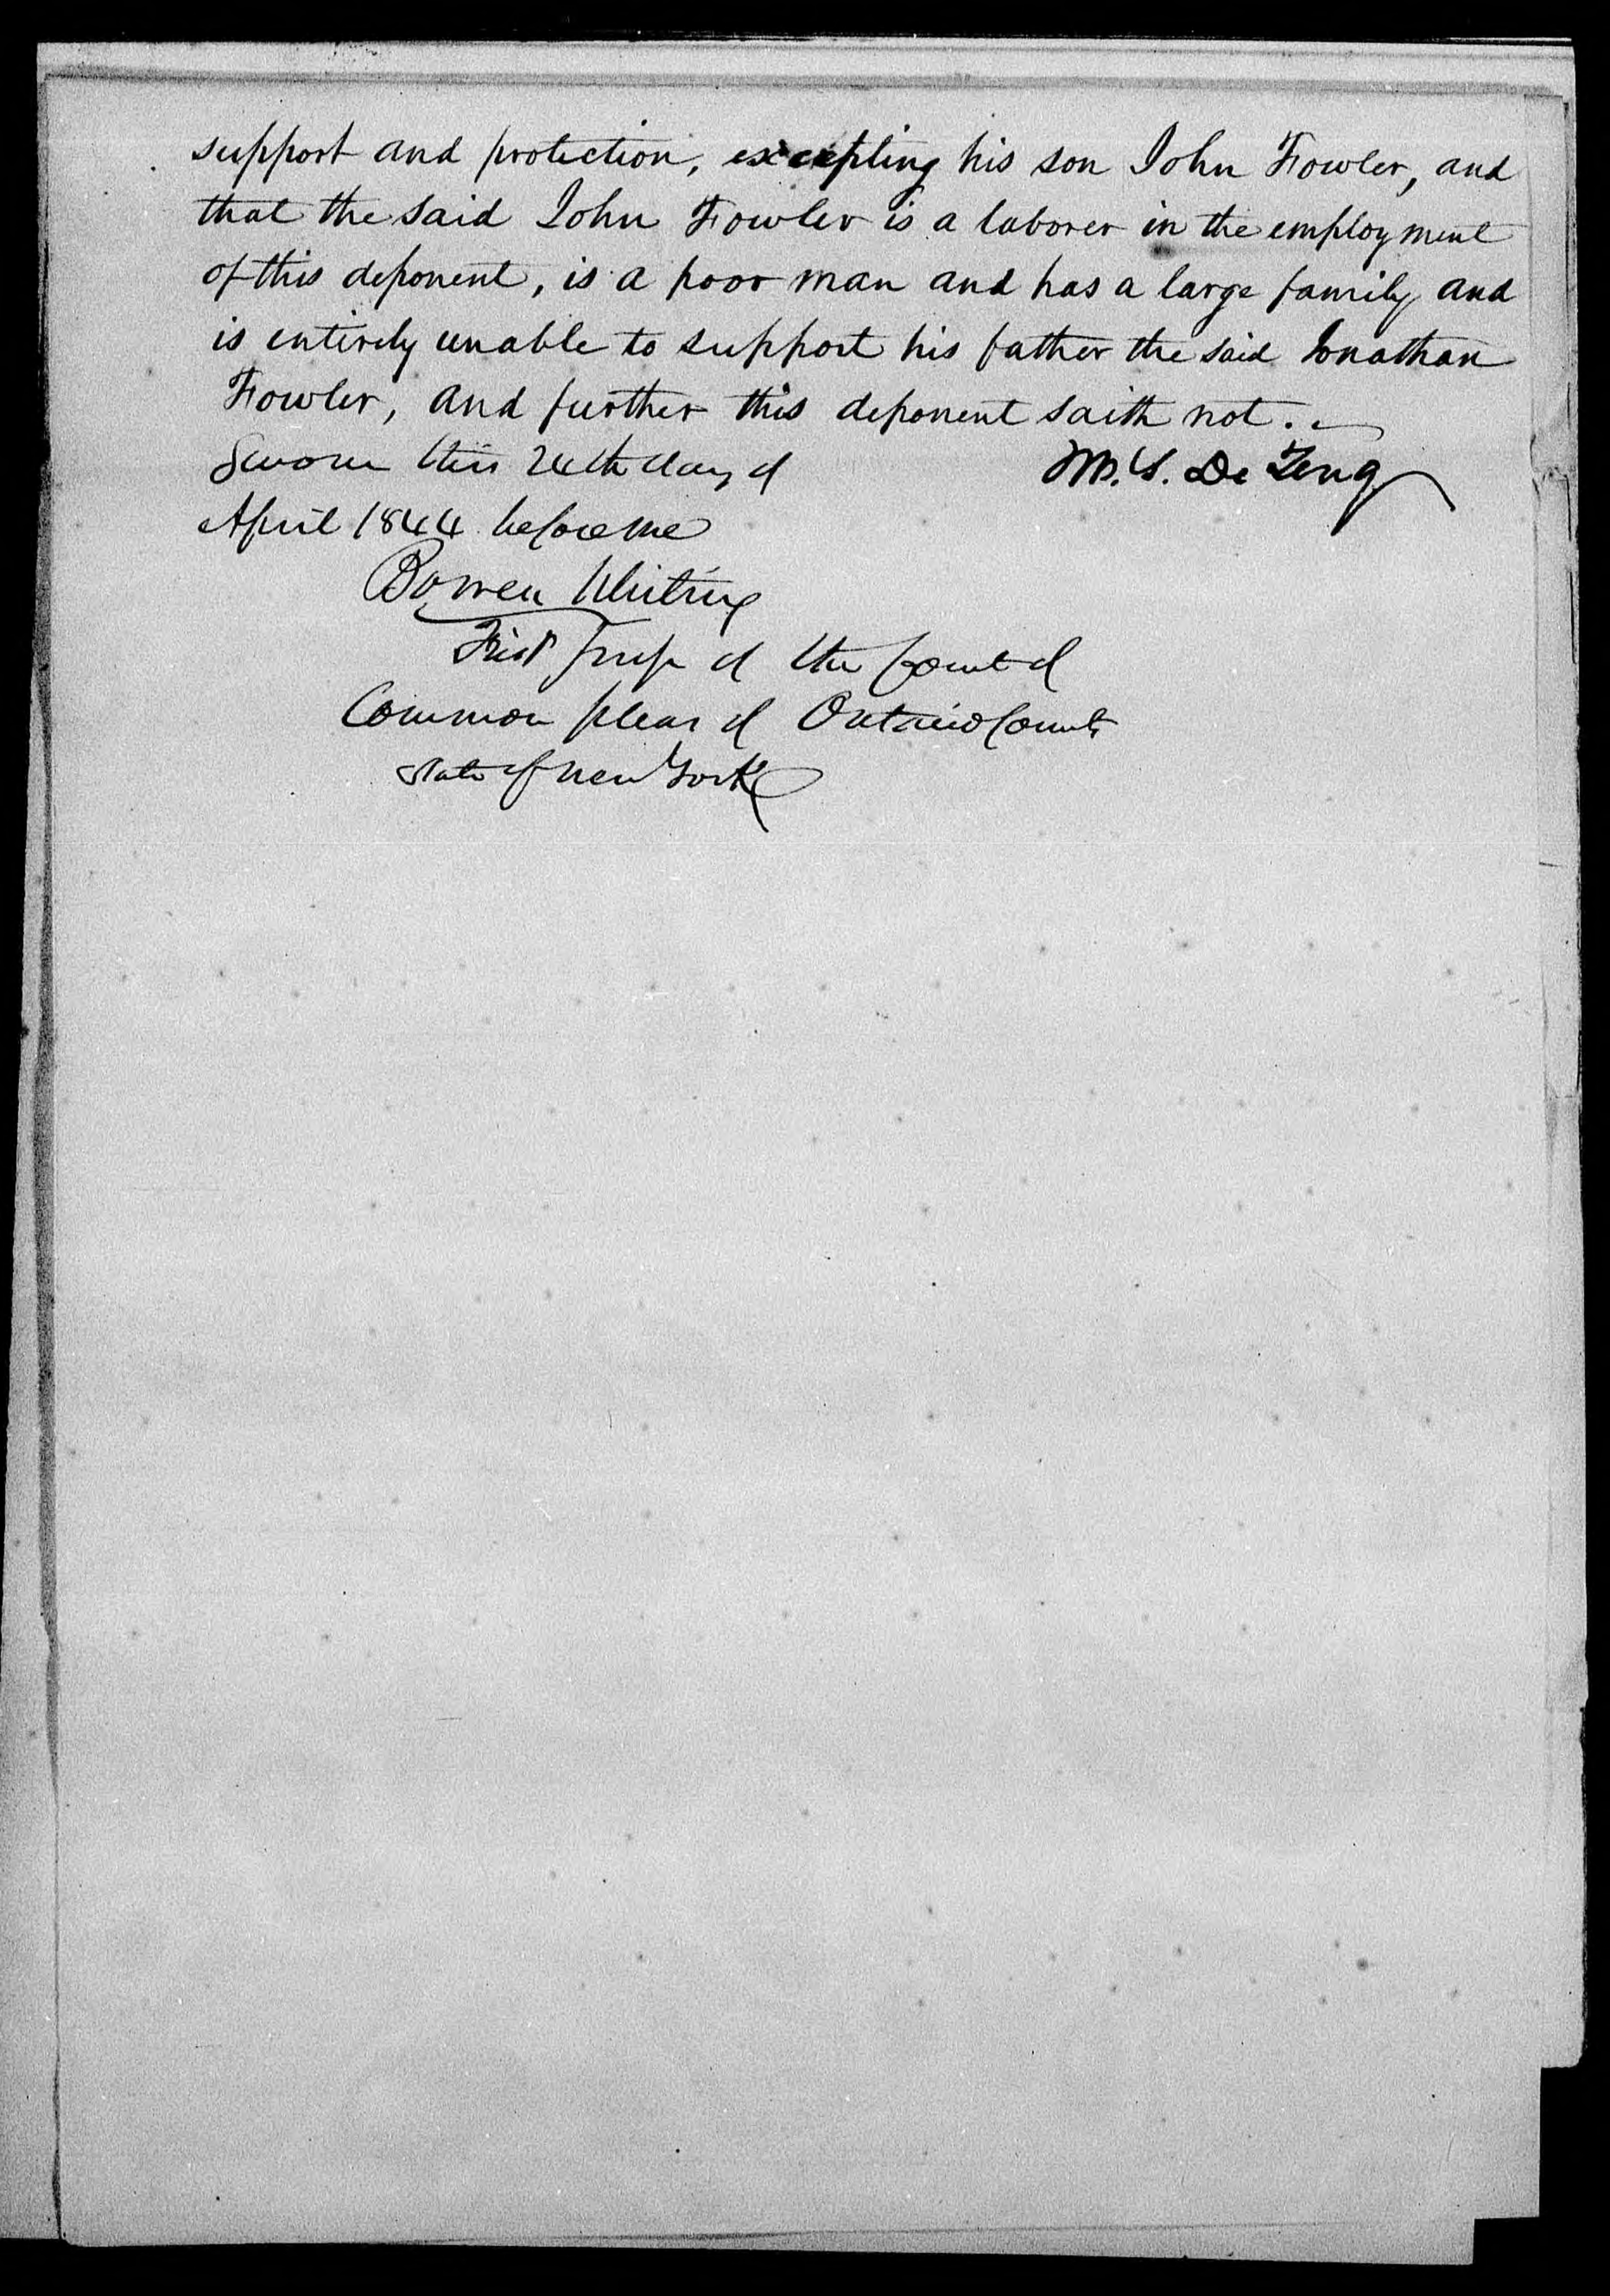support and protection, escepting his son John Fowler, and that the said John Fowler is a laborer in the employment of this deponent, is a poor man and has a large family and is entirely unable to support his father the said Jonathan Fowler, and further this deponent saith not.
Sworn this 24th day of April 1844 before me M. S. De Leng. 
Bomea Whitring
First Troop of the Court of Common pleas of Outreid County State of New York.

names: John Fowler, W S De Zeng, John Fowler, Jonathan Fowler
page: 41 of 44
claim: survivor's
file: S. 23639, Jonathan Fowler, New York